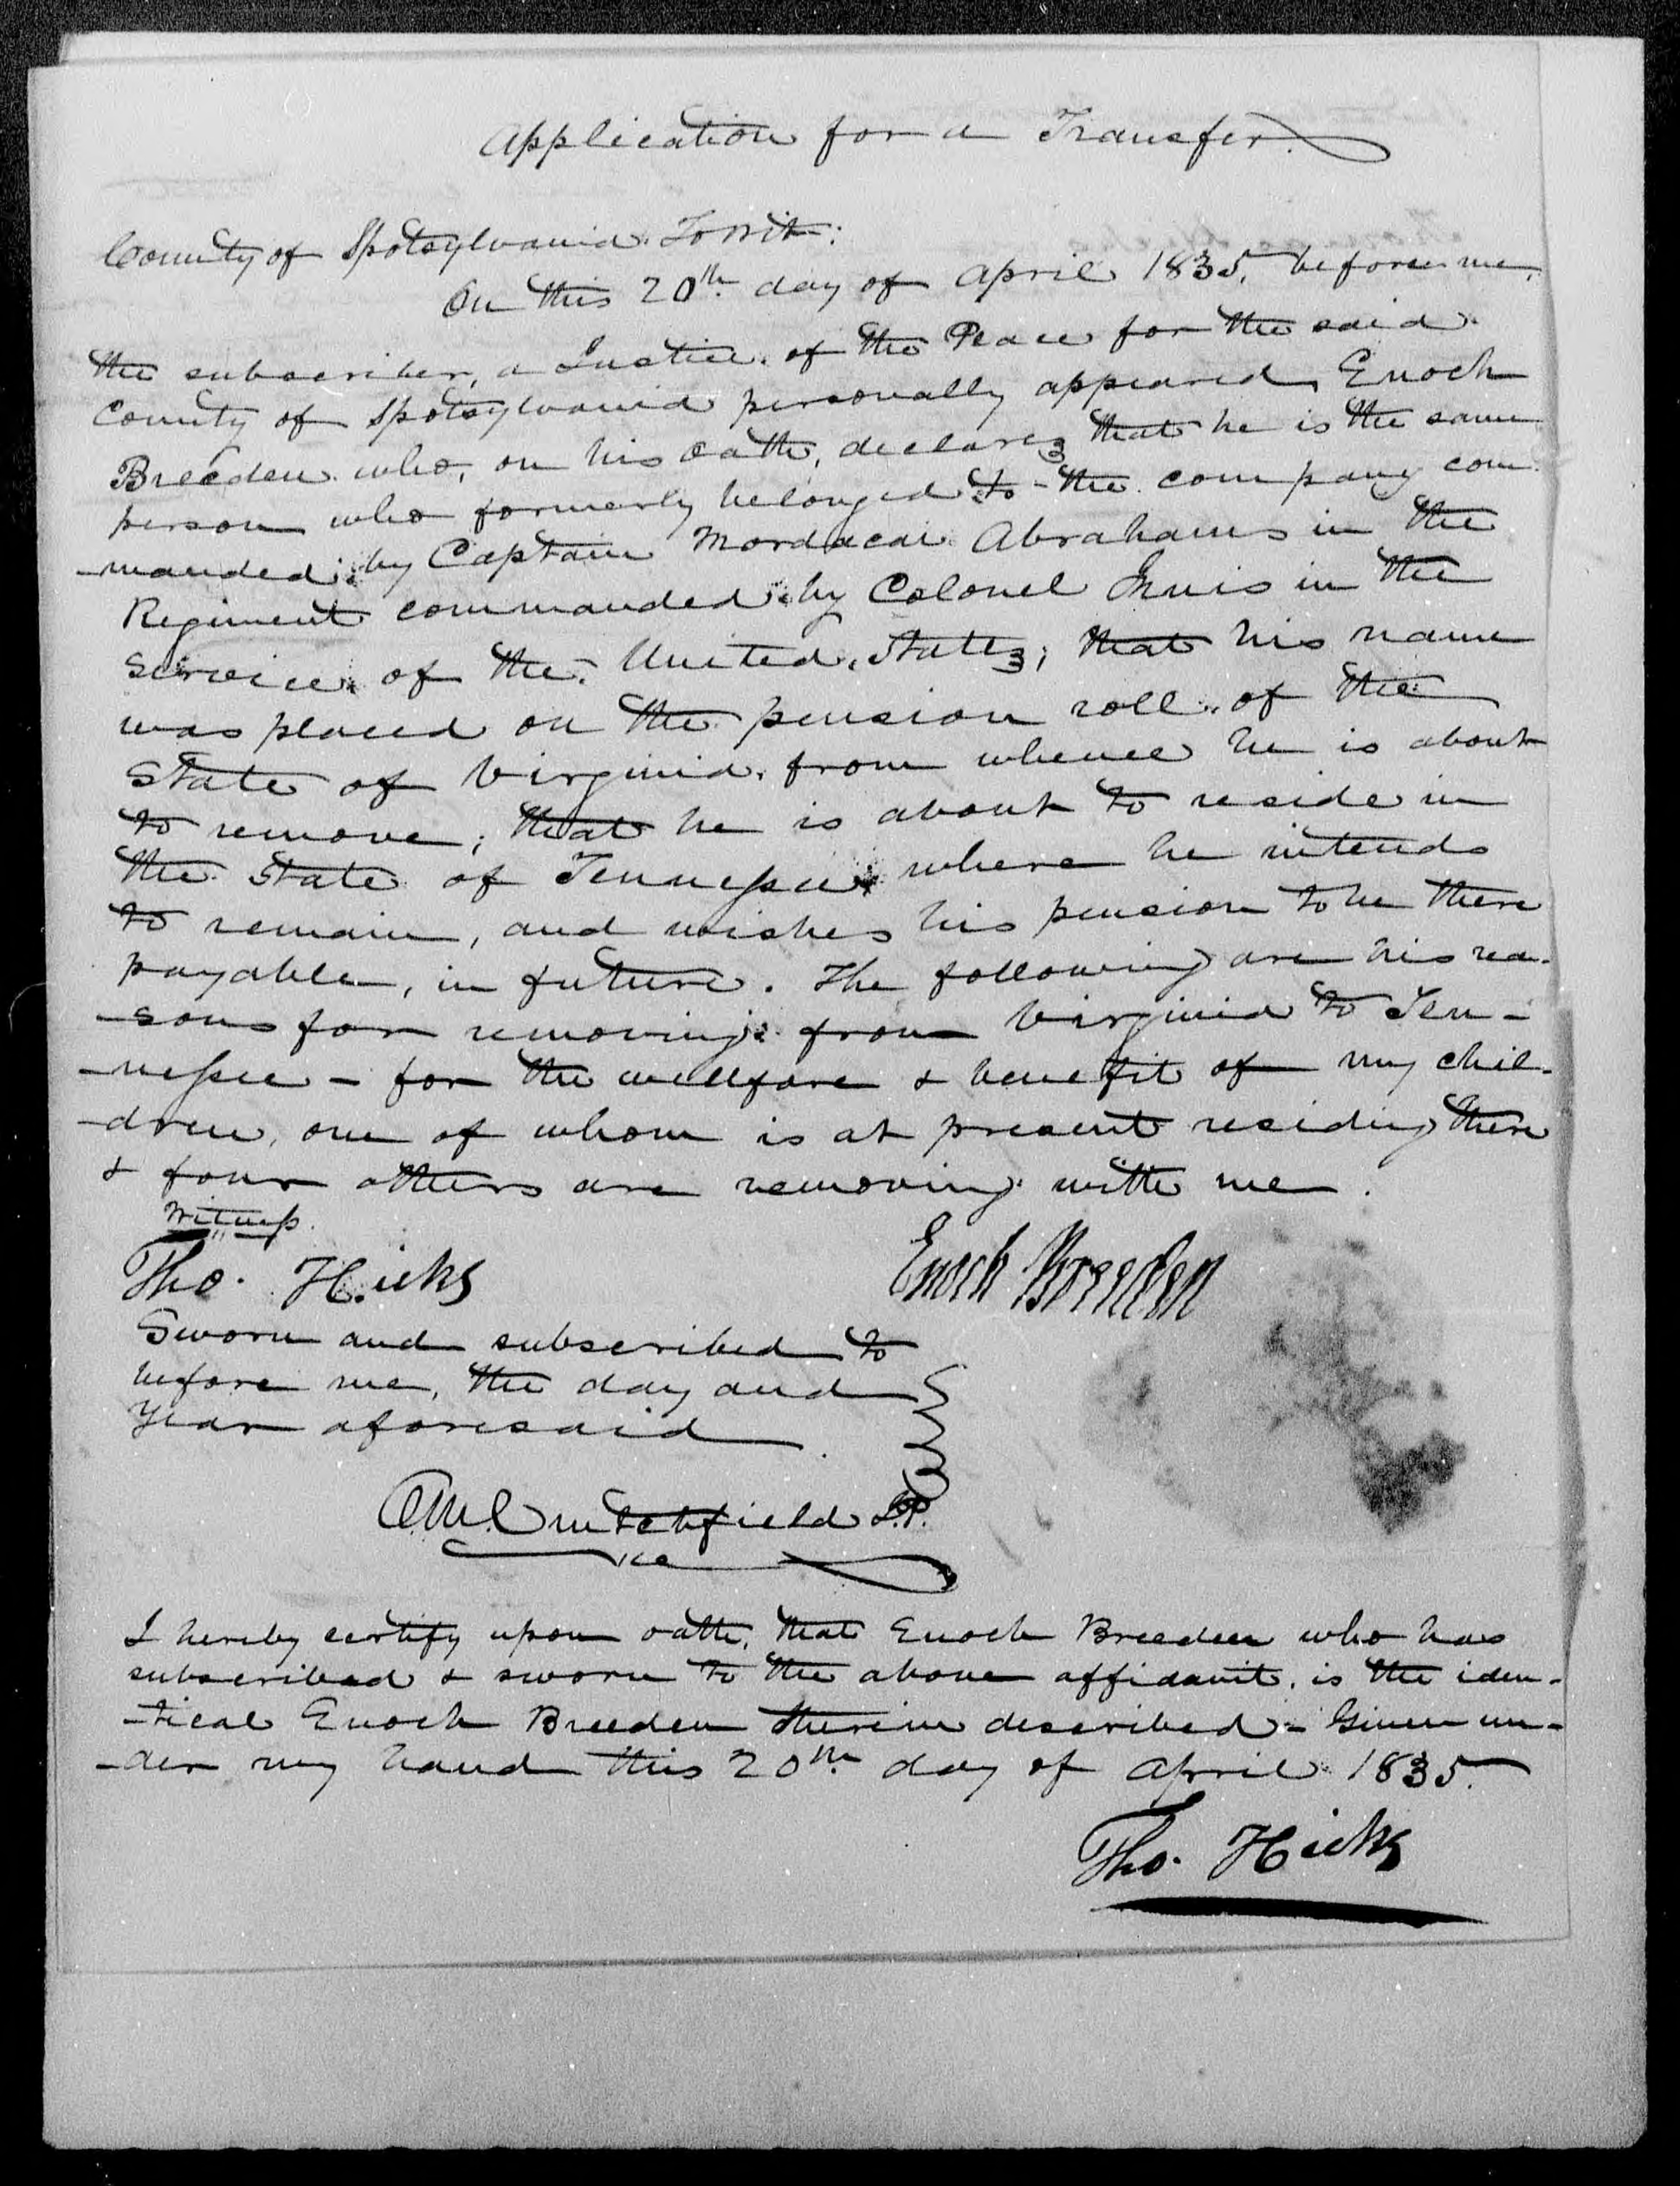Application for a Transfer 
County of Spotsylvania. To wit: 
On this 20th day of April 1835 before me the subscriber a Justice of the Peace for the said County of Spotsylvania personally appeared Enoch Breeden who, on his oath, declares that he is the same person who formerly belonged to the company commanded by Captain Mordecai Abrahams in the Regiment commanded by Colonel Ennis in the service of the United States; that his name was placed on the pension roll of the State of Virginia, from whence he is about to remove; that he is about to reside in the State of Tennessee where he intends to remain, and wishes his pension to be there payable, in future. The following are his reason for removing from Virginia to Tennesee - for the welfare & benefit of my children , one of whom is at present residing there & four others are removing with me.

Witness Tho. Hicks              Enoch Breeden
Sworn and subscribed to before me, the day and year aforesaid.
O. M. Crutchfield J.P. 

I hereby certify upon oath, that Enoch Breeden who has subscribed & sworn to the above affidavit is the identical Enoch Breeden therein described. Given under my hand this 20th day of April 1835 
Tho. Hicks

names: Enoch Breeden, O M Crutchfield, Enoch Breeden, Tho Hicks, Tho Hicks, Enoch Breeden, Innis, Enoch Breeden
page: 10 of 27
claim: survivor's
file: S. 1747, Enoch Breeden, Va.